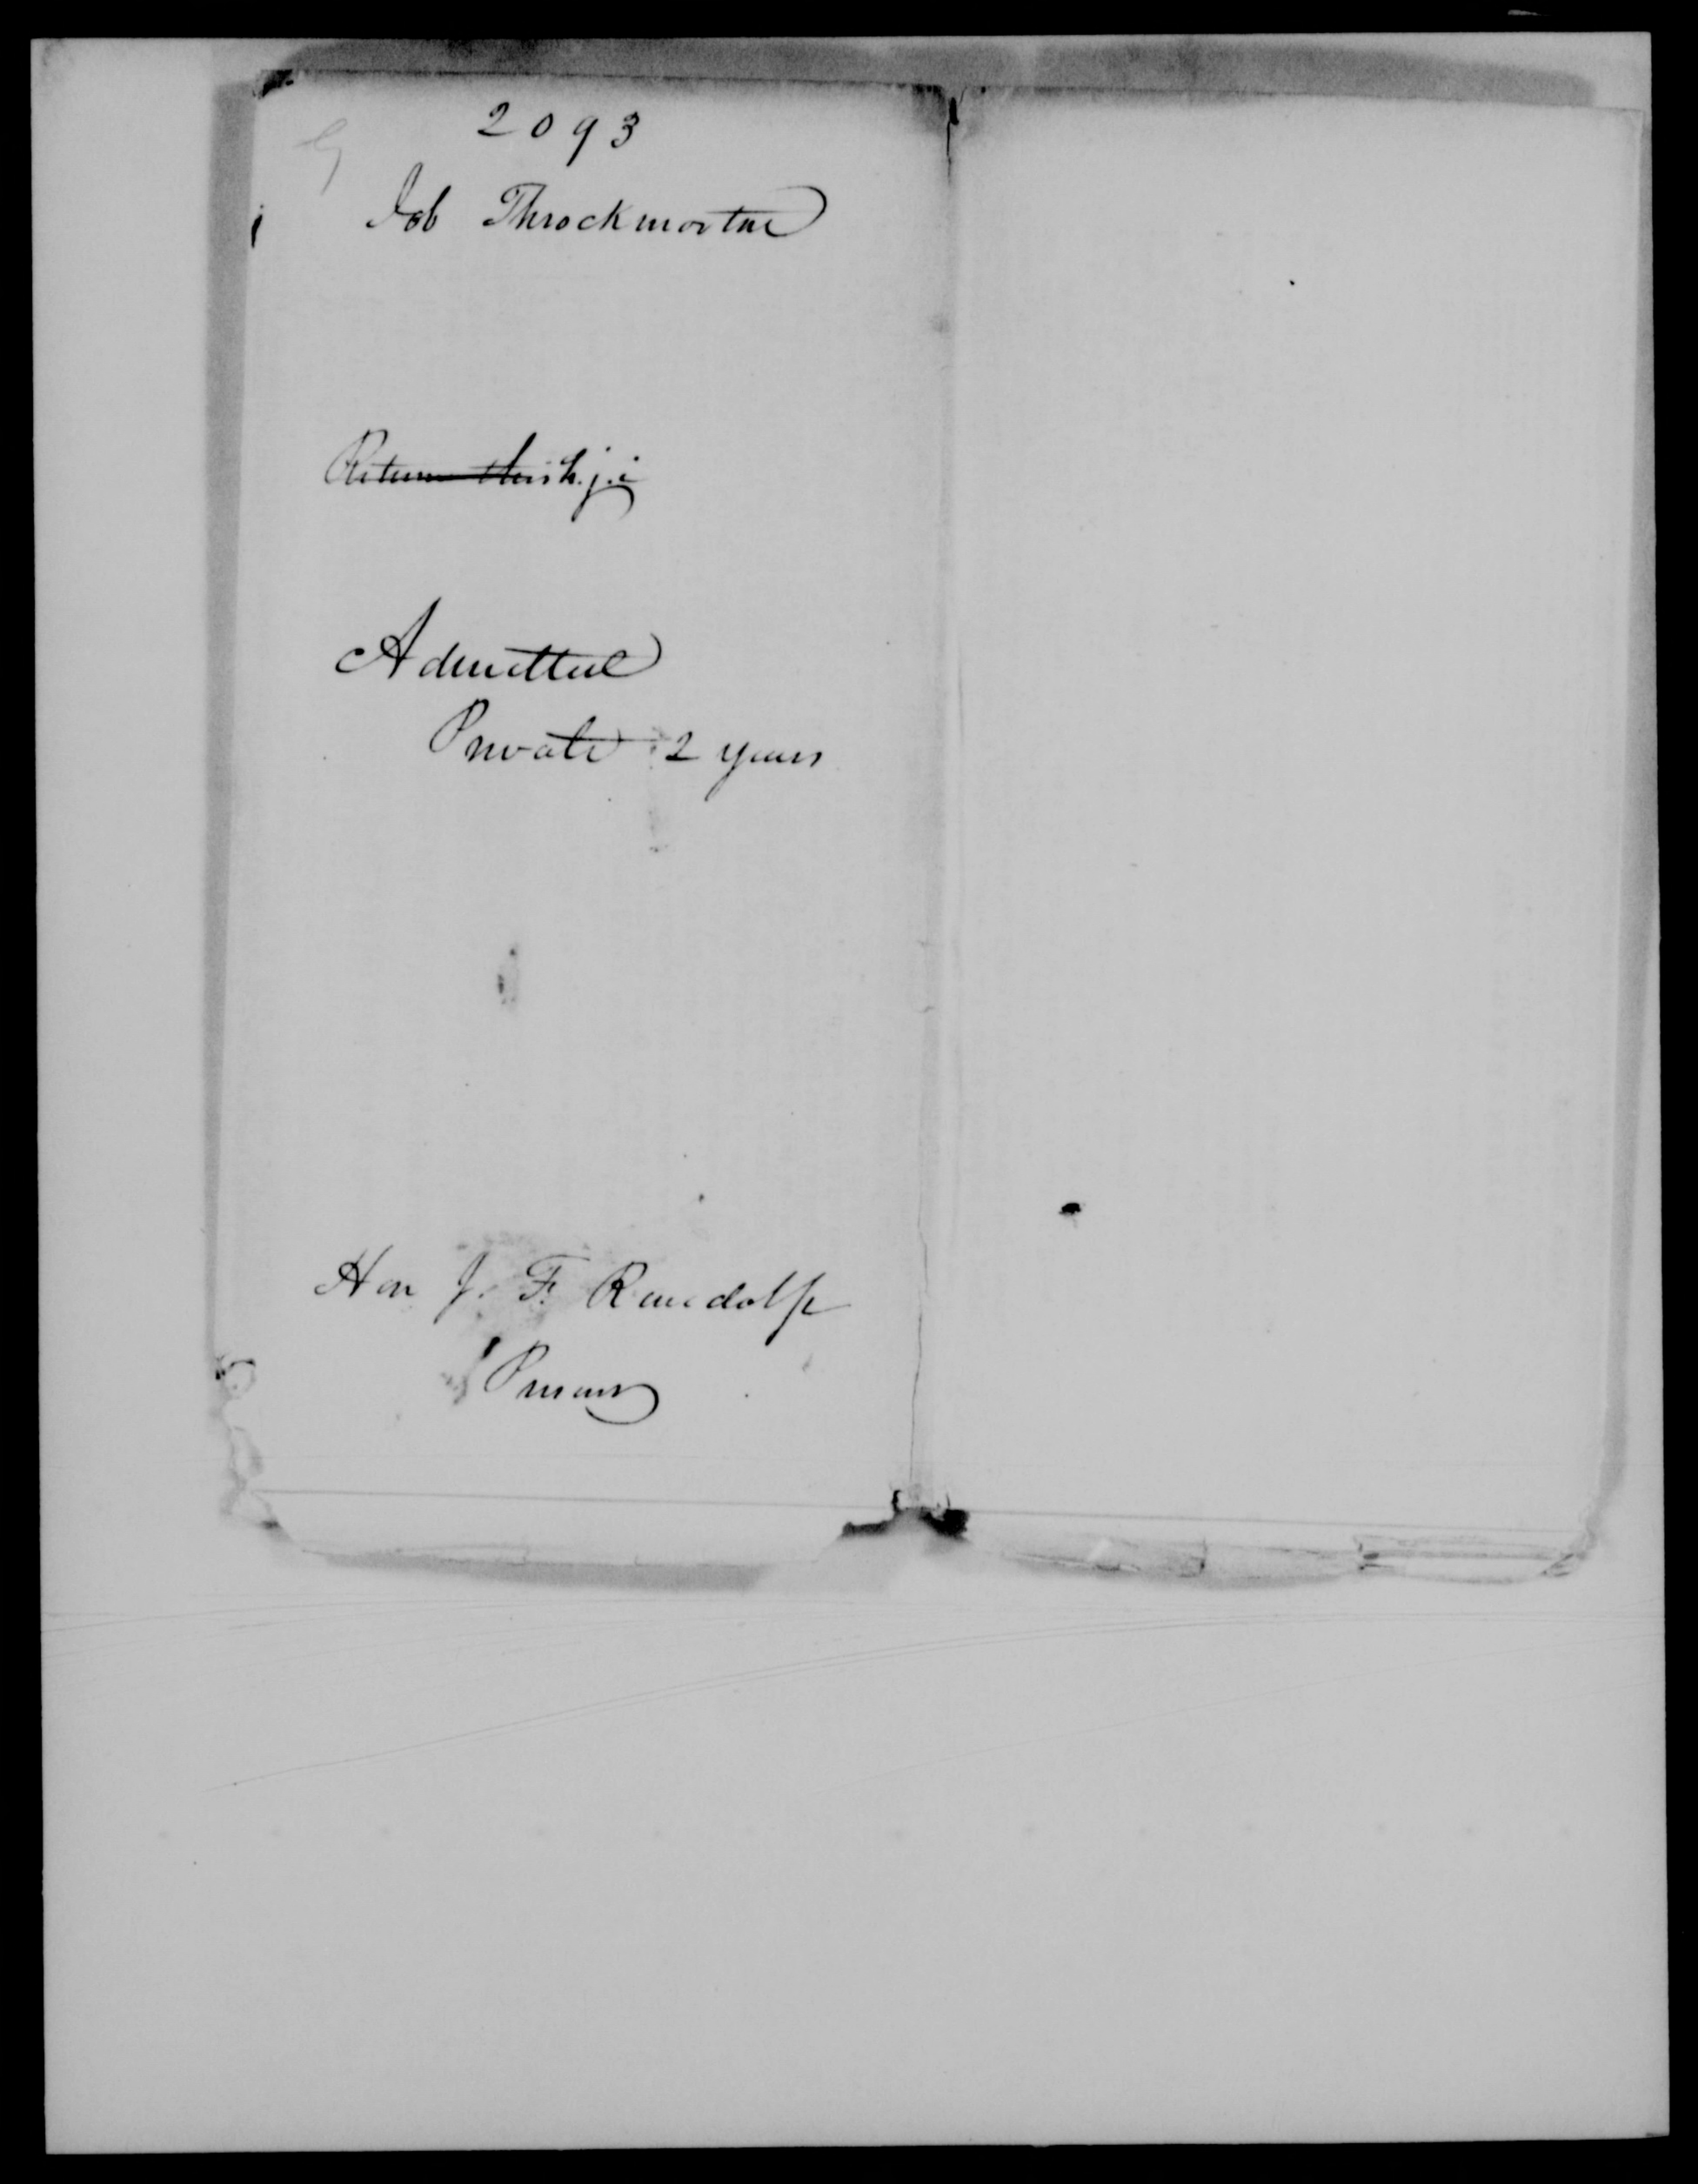2093 Job Throckmorton
Return this file
Admitted Private 2 years
Hon. J.F. Rudolph Presiding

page: 8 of 14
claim: survivor's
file: S. 764, for Job Throckmorton, New Jersey